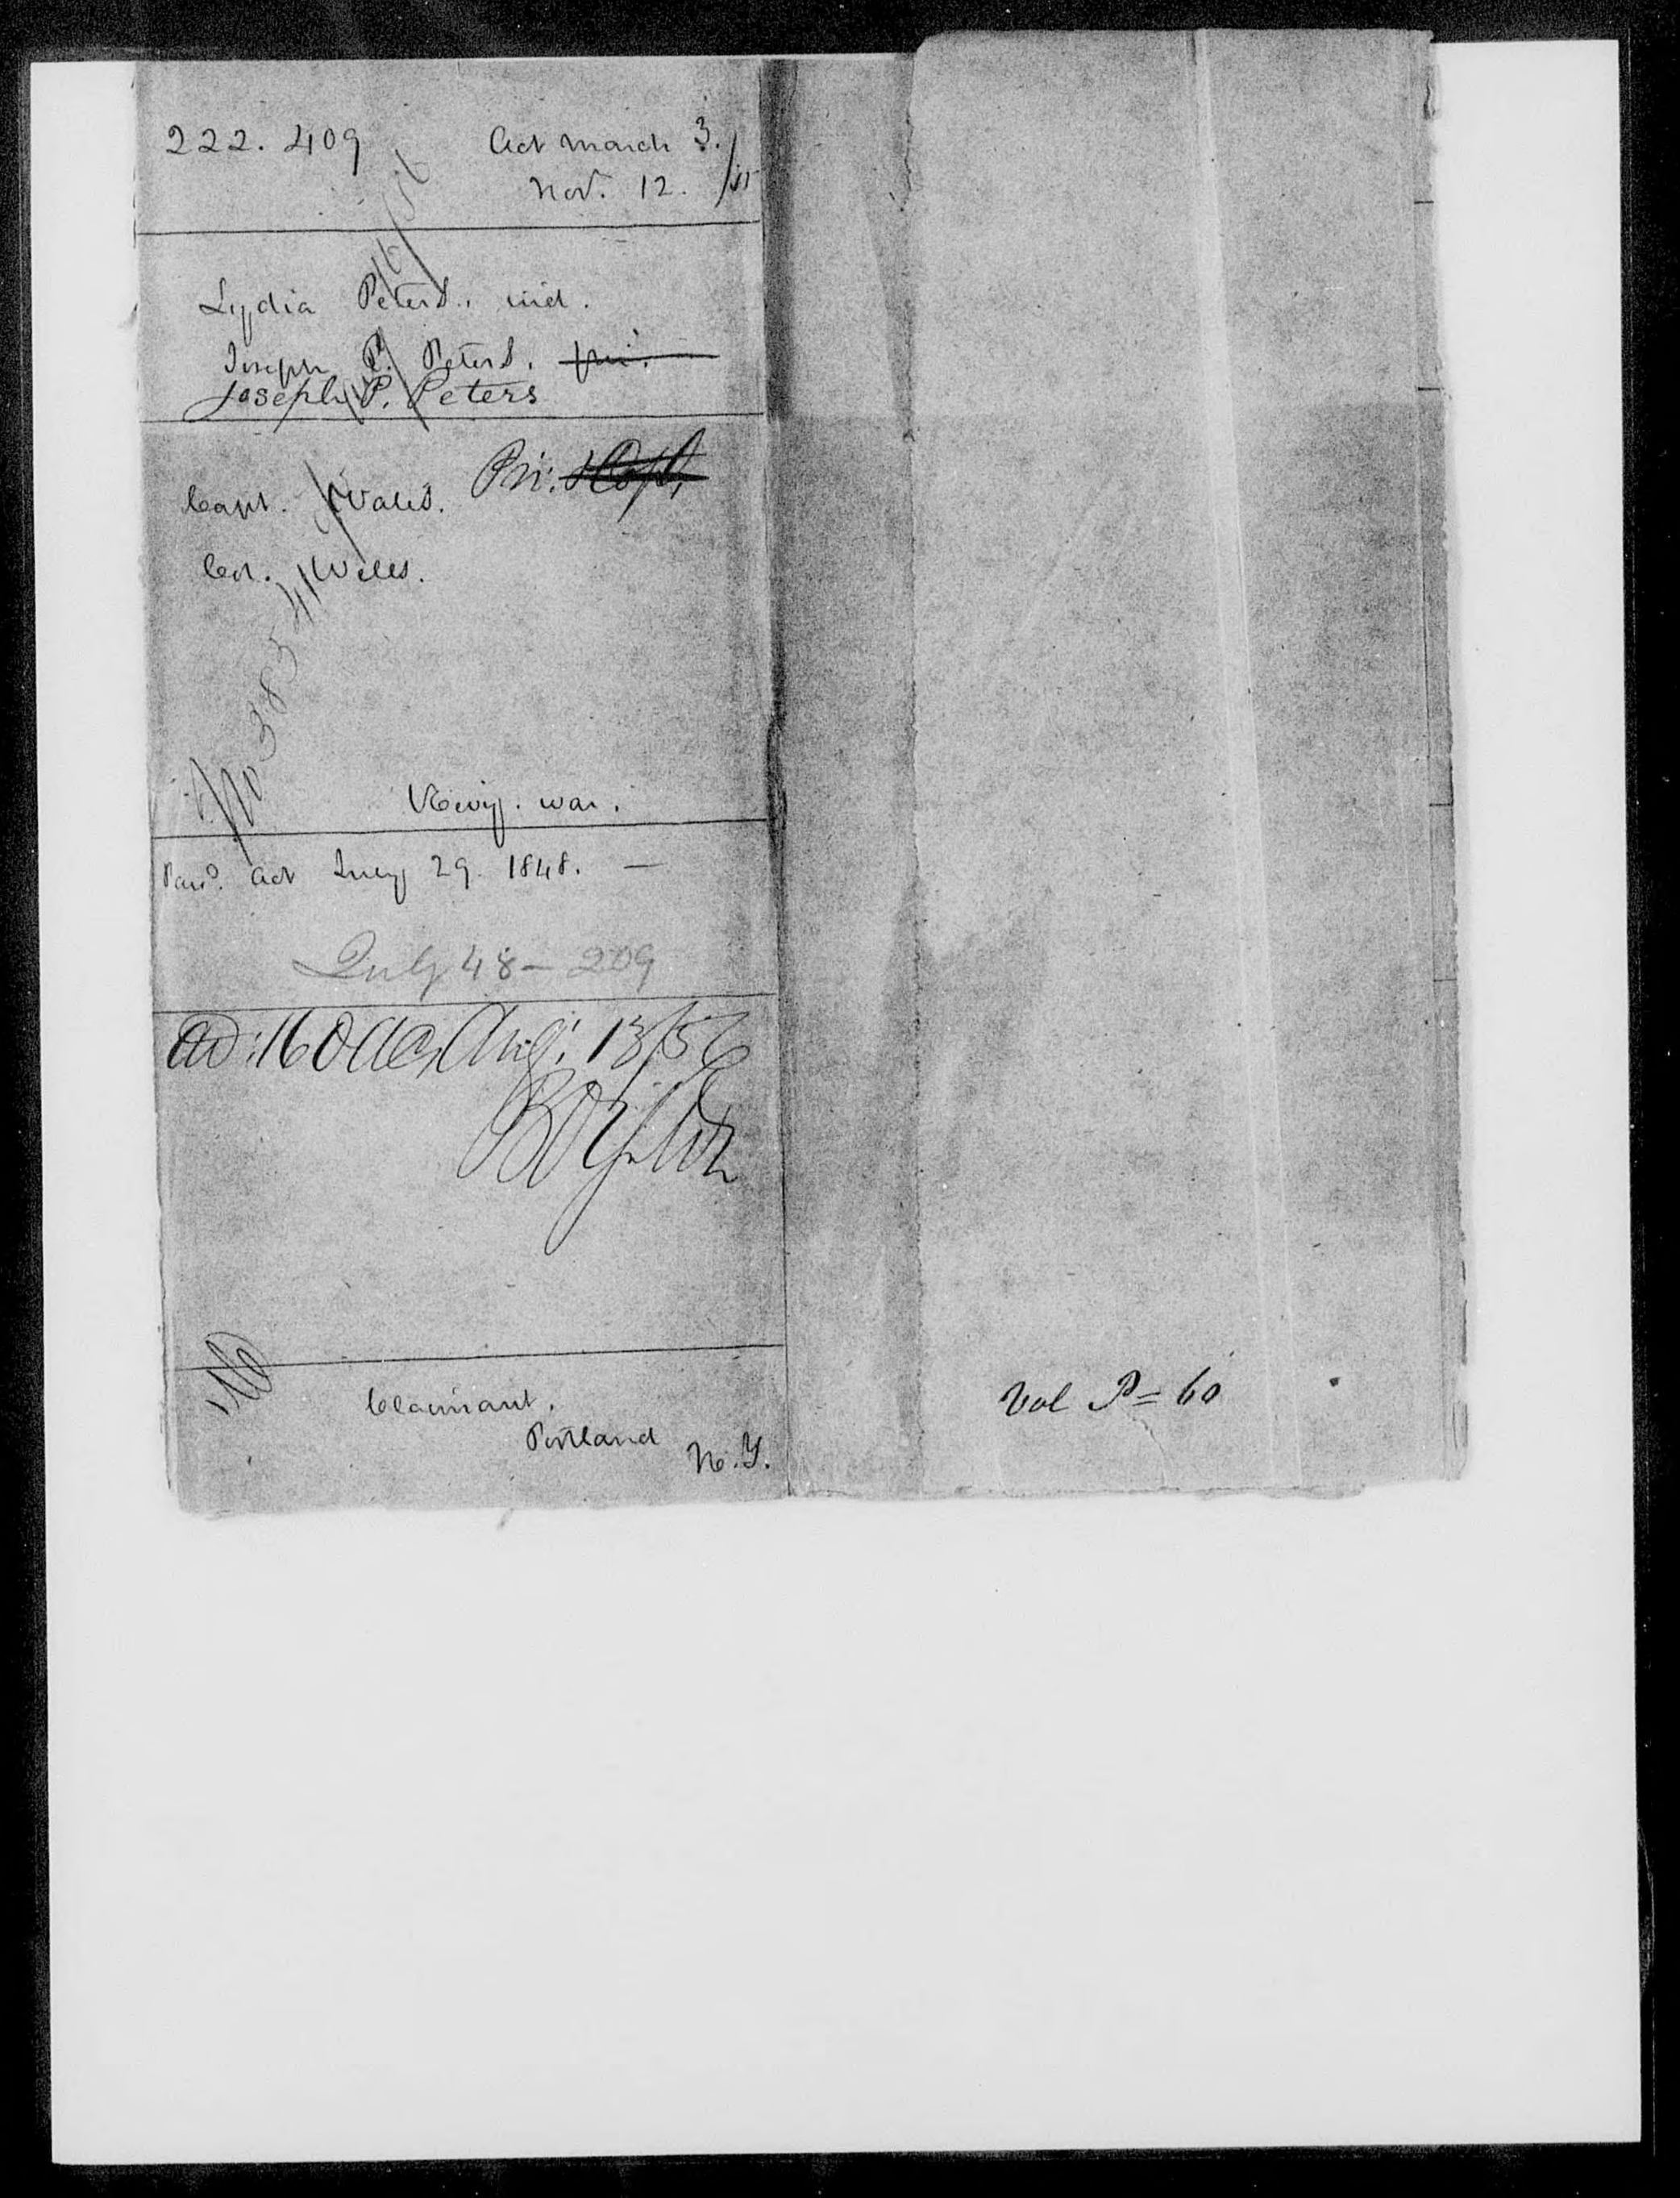222.409 Act March 3 / 55 Nov. 12  
Lydia Peters widow Joseph P. Peters 
Joseph W. Peters 
Capt. Wales
Col. Wells
No. 38541 issued May 16 / 56
Revy War
Paid Act July 29 1848
July 48 209
Ac: 160 acres Aug 13 / 56 
Boynton
Claimant Pinland N. Y.
Vol P=60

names: Joseph P Peters; [BLANK] Boynton; [BLANK] Wales; [BLANK] Wells; Lydia Peters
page: 4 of 73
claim: widow's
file: W. 2338, for Joseph P Peters, Connecticut